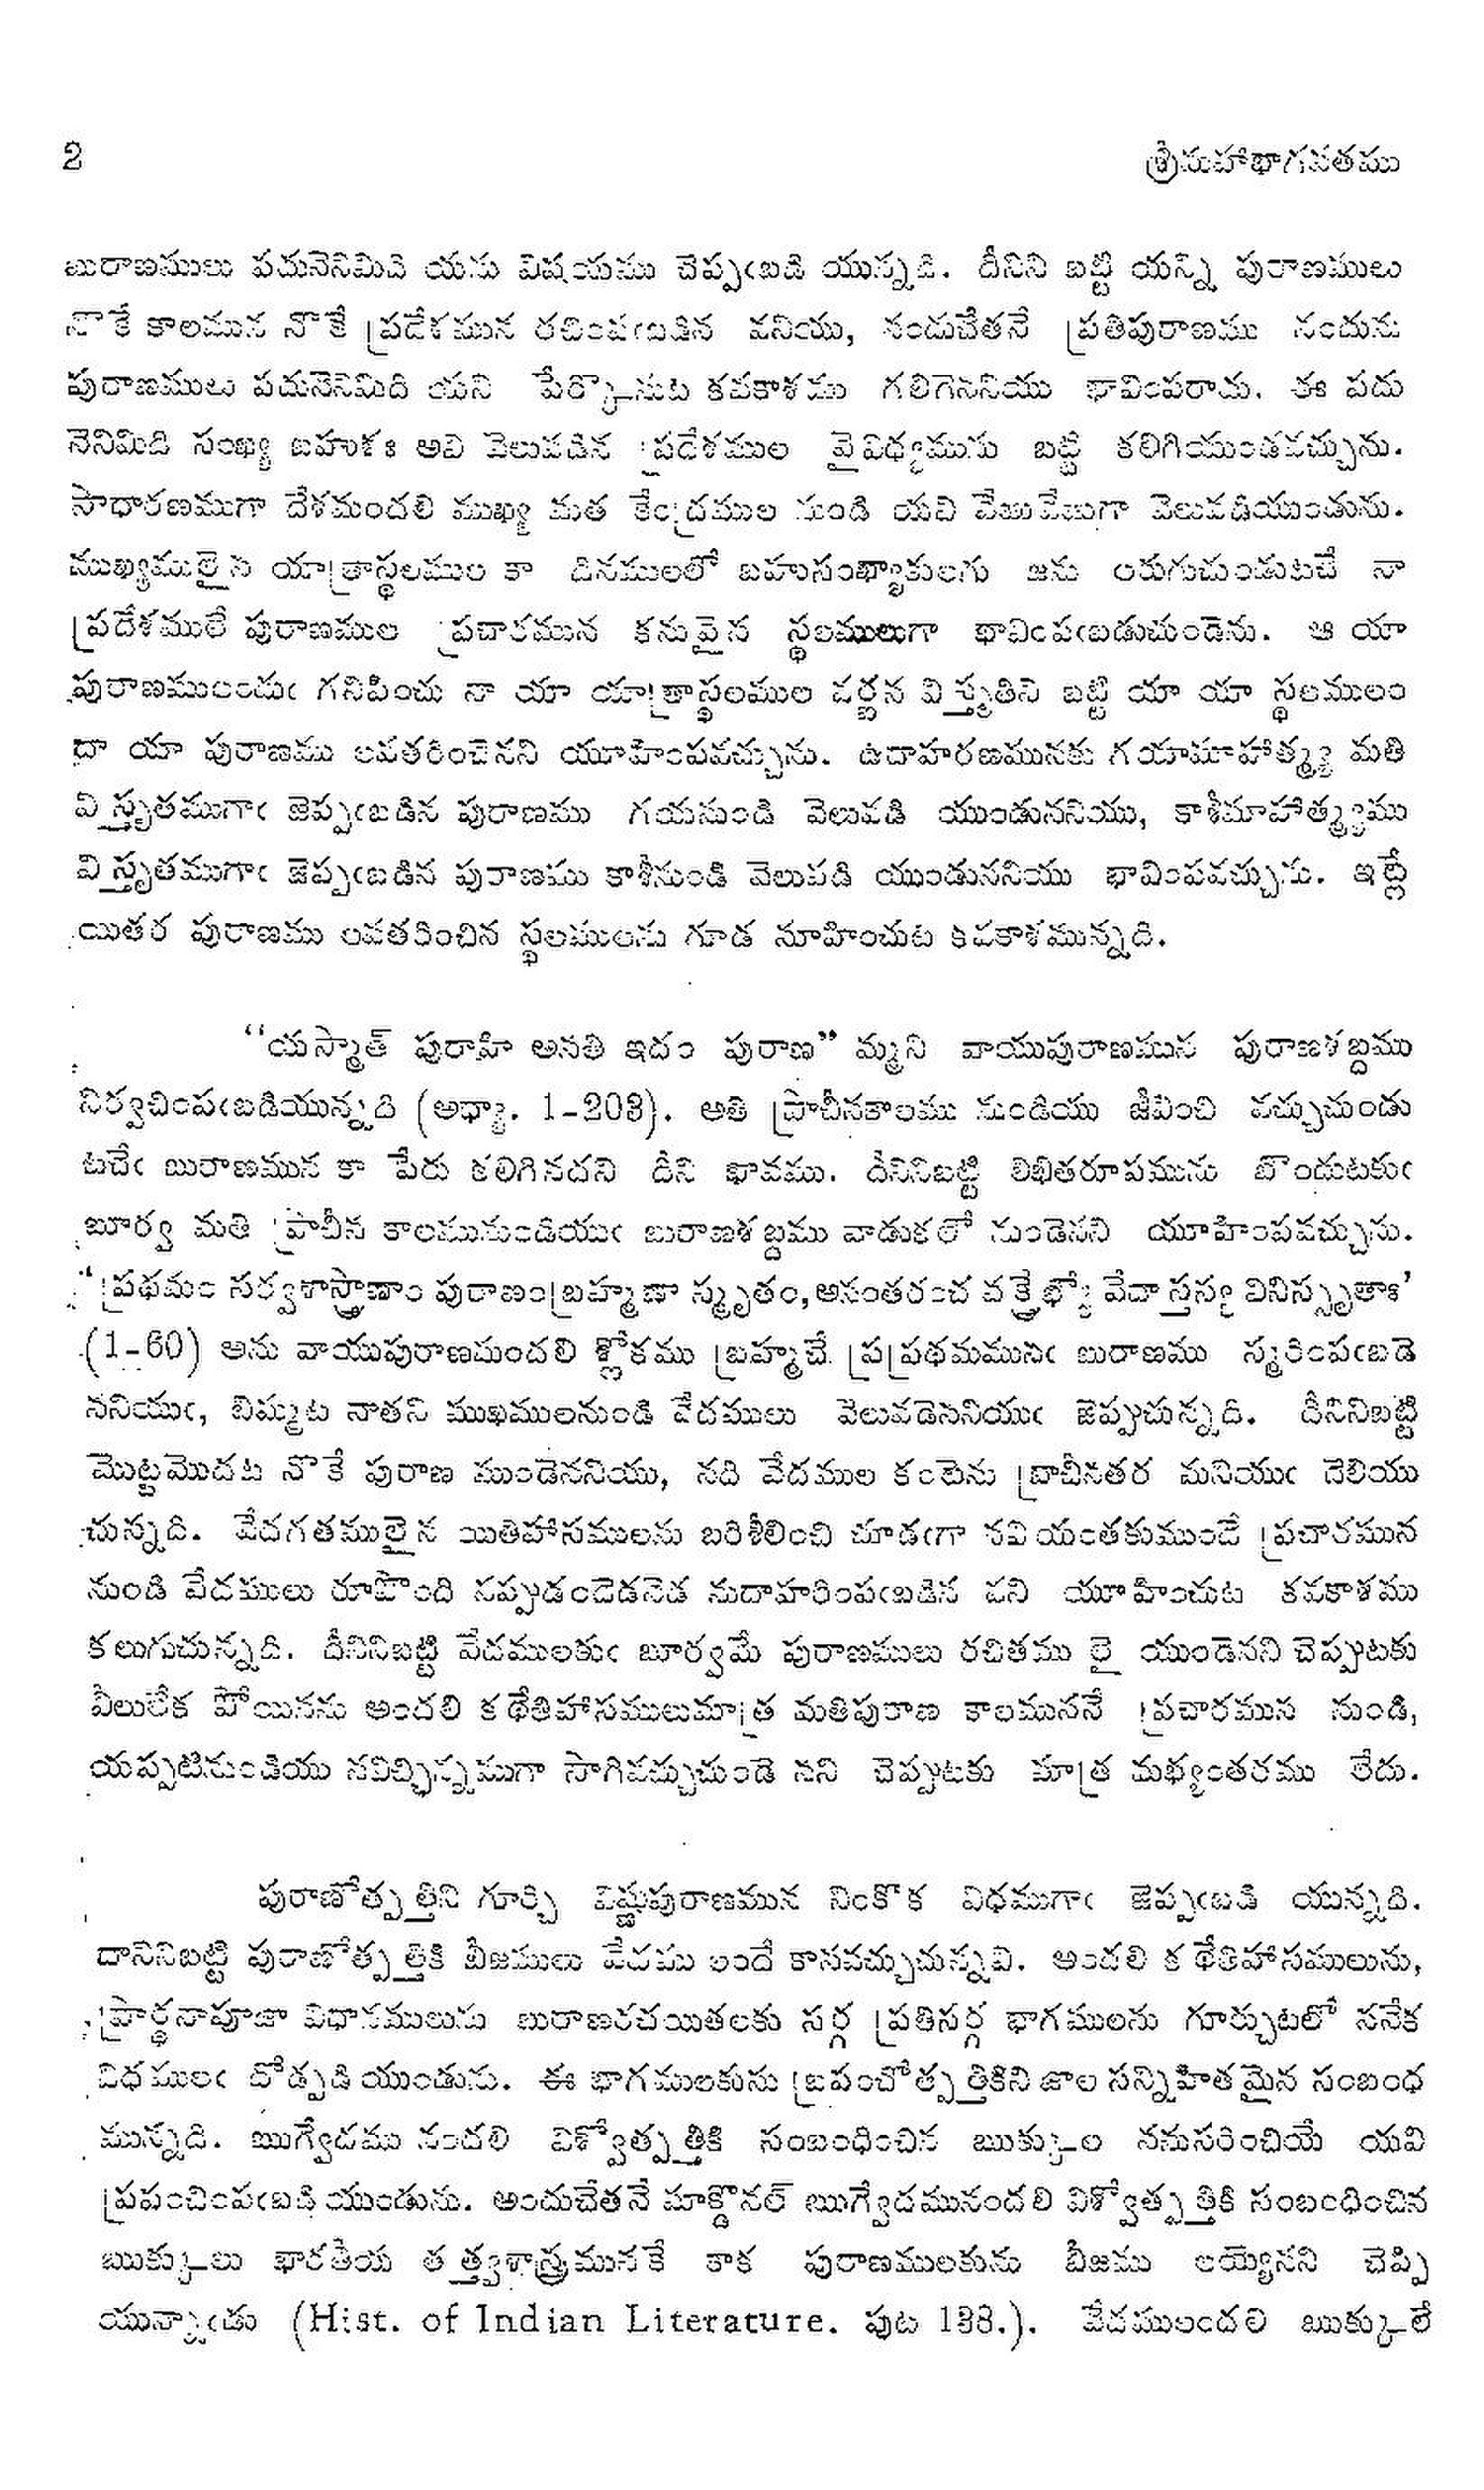బురాణములు పదునినిమిది యను విషయము చెప్పఁబడి యున్నది. దీనిని బట్టి యన్ని పురాణములు నొకే కాలమున నొకే ప్రదేశమున రచింపఁబడిన వనియు, నందుచేతనే ప్రతిపురాణము నందును పురాణములు పదునెనిమిది యని పేర్కొనుట కవకాశము గలిగెననియు భావింపరాదు. ఈ పదునెనిమిది సంఖ్య బహుశ: అవి వెలువడిన ప్రదేశముల వైవిధ్యమును బట్టి కలిగియుండవచ్చును. సాధారణముగా దేశమందలి ముఖ్య మత కేంద్రముల నుండి యవి వేఱువేఱుగా వెలువడియుండును. ముఖ్యములైన యాత్రాస్థలముల కా దినములలో బహుసంఖ్యాకులగు జను లరుగుచుండుటచే నా ప్రదేశములే పురాణముల ప్రచారమున కనువైన స్థలములుగా భావింపఁబడుచుండెను. ఆ యా పురాణములందుఁ గనిపించు నా యా యాత్రాస్థలముల వర్ణన విస్తృతిని బట్టి యా యా స్థలములందా యా పురాణము లవతరించెనని యూహింపవచ్చును. ఉదాహరణమునకు గయామాహాత్మ్యమతి విస్తృతముగా జెప్పబడిన పురాణము గయనుండి వెలువడి యుండుననియు, కాశీమహాత్మ్యము విస్తృతముగాఁ జెప్పబడిన పురాణము కాశీనుండి వెలువడి యుండునని భావింపవచ్చును. ఇట్లే ఇతర పురాణము లవతరించిన స్థలములను గూడ నూహించుట కవకాశమున్నది.

"యస్మాత్ పురాహి ఆనతి ఇదం పురాణ"మ్మని వాయుపురాణమున పురాణశబ్దము నిర్వచింపఁబడియున్నది (అధ్యా.1-203). అతి ప్రాచీనకాలము నుండియు జీవించి వచ్చుచుండుటచేఁ బురాణమున కా పేరు కలిగినదని దీని భావము. దీనినిబట్టి లిఖితరూపమును బొందుటకు బూర్వ మతి ప్రాచీన కాలమునుండియుఁ బురాణశబ్దము వాడుకలో నుండెనని యూహింపవచ్చును. "ప్రథమం సర్వశాస్త్రాణాం పురాణంబ్రహ్మణా స్మృతం, అనంతరంచ వక్త్రేభ్యో వేదాన్తన్య వినిస్మృతా:" (1-60) అను వాయుపురాణమందలి శ్లోకము బ్రహ్మచే ప్రప్రథమమునఁ బురాణము స్మరింపఁబడెననియుఁ, బిమ్మట నాతని ముఖములనుండి వేదములు వెలువడెననియుఁ జెప్పుచున్నవి. దీనినిబట్టి మొట్టమొదట నొకే పురాణ ముండెననియు, నది వేదముల కంటెను బ్రాచీనతర మనియుఁ దెలియుచున్నది. వేదగతములైన యితిహాసములను బరిశీలించి చూడఁగా నవి యంతకుముందే ప్రచారమున నుండి వేదములు రూపొంది నప్పుడందెడనెడ నుదాహరింపఁబడిన వని యూహించుట కవకాశము కలుగుచున్నది. దీనినిబట్టి వేదములకుఁ బూర్వమే పురాణములు రచితములై యుండెనని చెప్పుటకు వీలులేక పోయినను అందలి కథేతిహాసములు మాత్ర మతిపురాణ కాలముననే ప్రచారమున నుండి, యప్పటినుండియు నవిచ్ఛిన్నముగా సాగివచ్చుచుండెనని చెప్పుటకు మాత్ర మభ్యంతరము లేదు.

పురాణోత్పత్తిని గూర్చి విష్ణుపురాణమున నింకొక విధముగా జెప్పబడి యున్నది. వానినిబట్టి పురాణోత్పత్తికి బీజము వేదములందే కానవచ్చుచున్నవి. అందలి కధేతిహారములును ప్రార్ధనాపూజా విధానములును బురాణరచయితలకు సర్గ ప్రతిసర్గ భాగములను గూర్దుటలో ననేక విధముల దోద్పడియుండును. ఈభాగములకును బ్రపంచోత్పత్తికిని జాల సన్నిహితమైన సంబంధమున్నది. ఋగ్వేదము నందలి విక్వోత్పత్తికి సంబంధించిన ౠక్కుల ననుసరించియే యని ప్రవచింపబడియుండును. అందిచేతనే మక్డొనల్ ఋగ్వేదమునందలి విశ్వోత్పత్తికి సంబంధించిన ౠక్కులు భారతీయ తత్త్వశాస్త్రమునకే కాక పురాణములకును బీజము లయ్యనని చ్ఫెప్పి యున్నాడు (Hist. of Indian Literature. పుట.188) వేదమునందలి ఋక్కులే